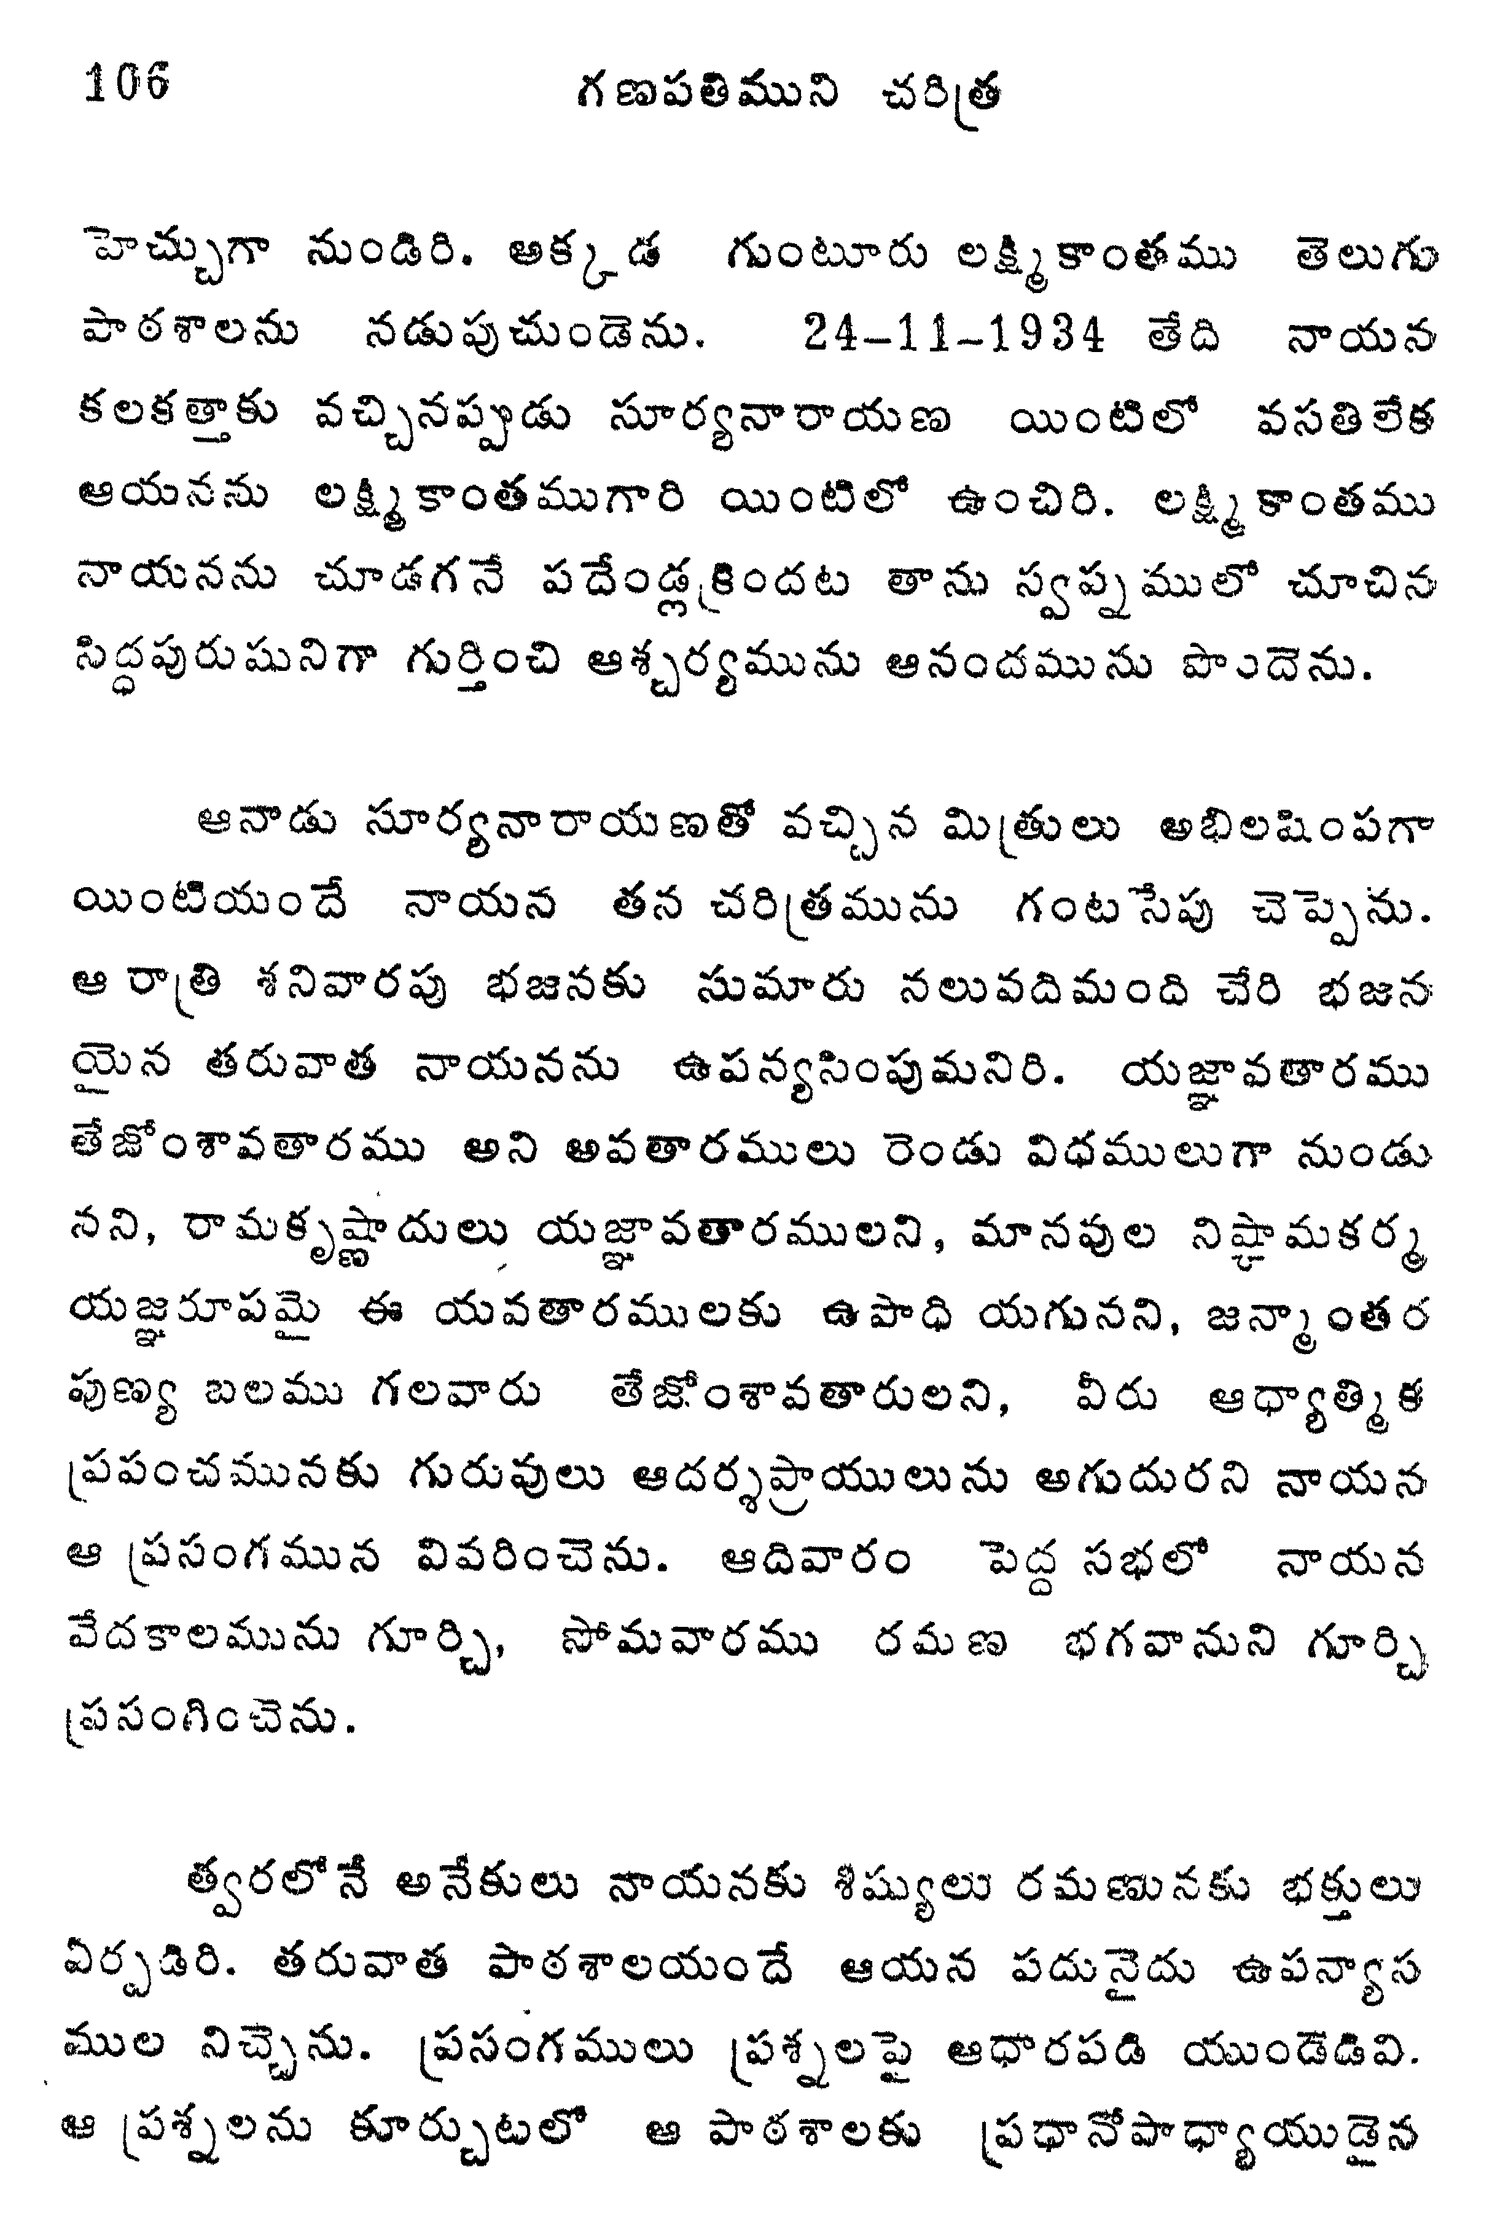హెచ్చుగా నుండిరి. అక్కడ గుంటూరు లక్ష్మికాంతము తెలుగు పాఠశాలను నడుపుచుండెను. 24-11-1934 తేది నాయన కలకత్తాకు వచ్చినప్పుడు సూర్యనారాయణ యింటిలో వసతిలేక ఆయనను లక్ష్మికాంతముగారి యింటిలో ఉంచిరి. లక్ష్మికాంతము నాయనను చూడగనే పదేండ్లక్రిందట తాను స్వప్నములో చూచిన సిద్ధపురుషునిగా గుర్తించి ఆశ్చర్యమును ఆనందమును పొందెను.

ఆనాడు సూర్యనారాయణతో వచ్చిన మిత్రులు అభిలషింపగా యింటియందే నాయన తన చరిత్రమును గంట సేపు చెప్పెను. ఆ రాత్రి శనివారపు భజనకు సుమారు నలువదిమంది చేరి భజన యైన తరువాత నాయనను ఉపన్యసింపుమనిరి. యజ్ఞావతారము తేజోంశావతారము అని అవతారములు రెండు విధములుగా నుండునని, రామకృష్ణాదులు యజ్ఞావతారములని, మానవుల నిష్కామకర్మ యజ్ఞరూపమై ఈ యవతారములకు ఉపాధి యగునని, జన్మాంతర పుణ్య బలము గలవారు తేజోంశావతారులని, వీరు ఆధ్యాత్మిక ప్రపంచమునకు గురువులు ఆదర్శప్రాయులును అగుదురని నాయన ఆ ప్రసంగమున వివరించెను. ఆదివారం పెద్ద సభలో నాయన వేదకాలమును గూర్చి, సోమవారము రమణ భగవానుని గూర్చి ప్రసంగించెను.

త్వరలోనే అనేకులు నాయనకు శిష్యులు రమణునకు భక్తులు ఏర్పడిరి. తరువాత పాఠశాలయందే ఆయన పదునైదు ఉపన్యాసముల నిచ్చెను. ప్రసంగములు ప్రశ్నలపై ఆధారపడి యుండెడివి. ఆ ప్రశ్నలను కూర్చుటలో ఆ పాఠశాలకు ప్రధానోపాధ్యాయుడైన